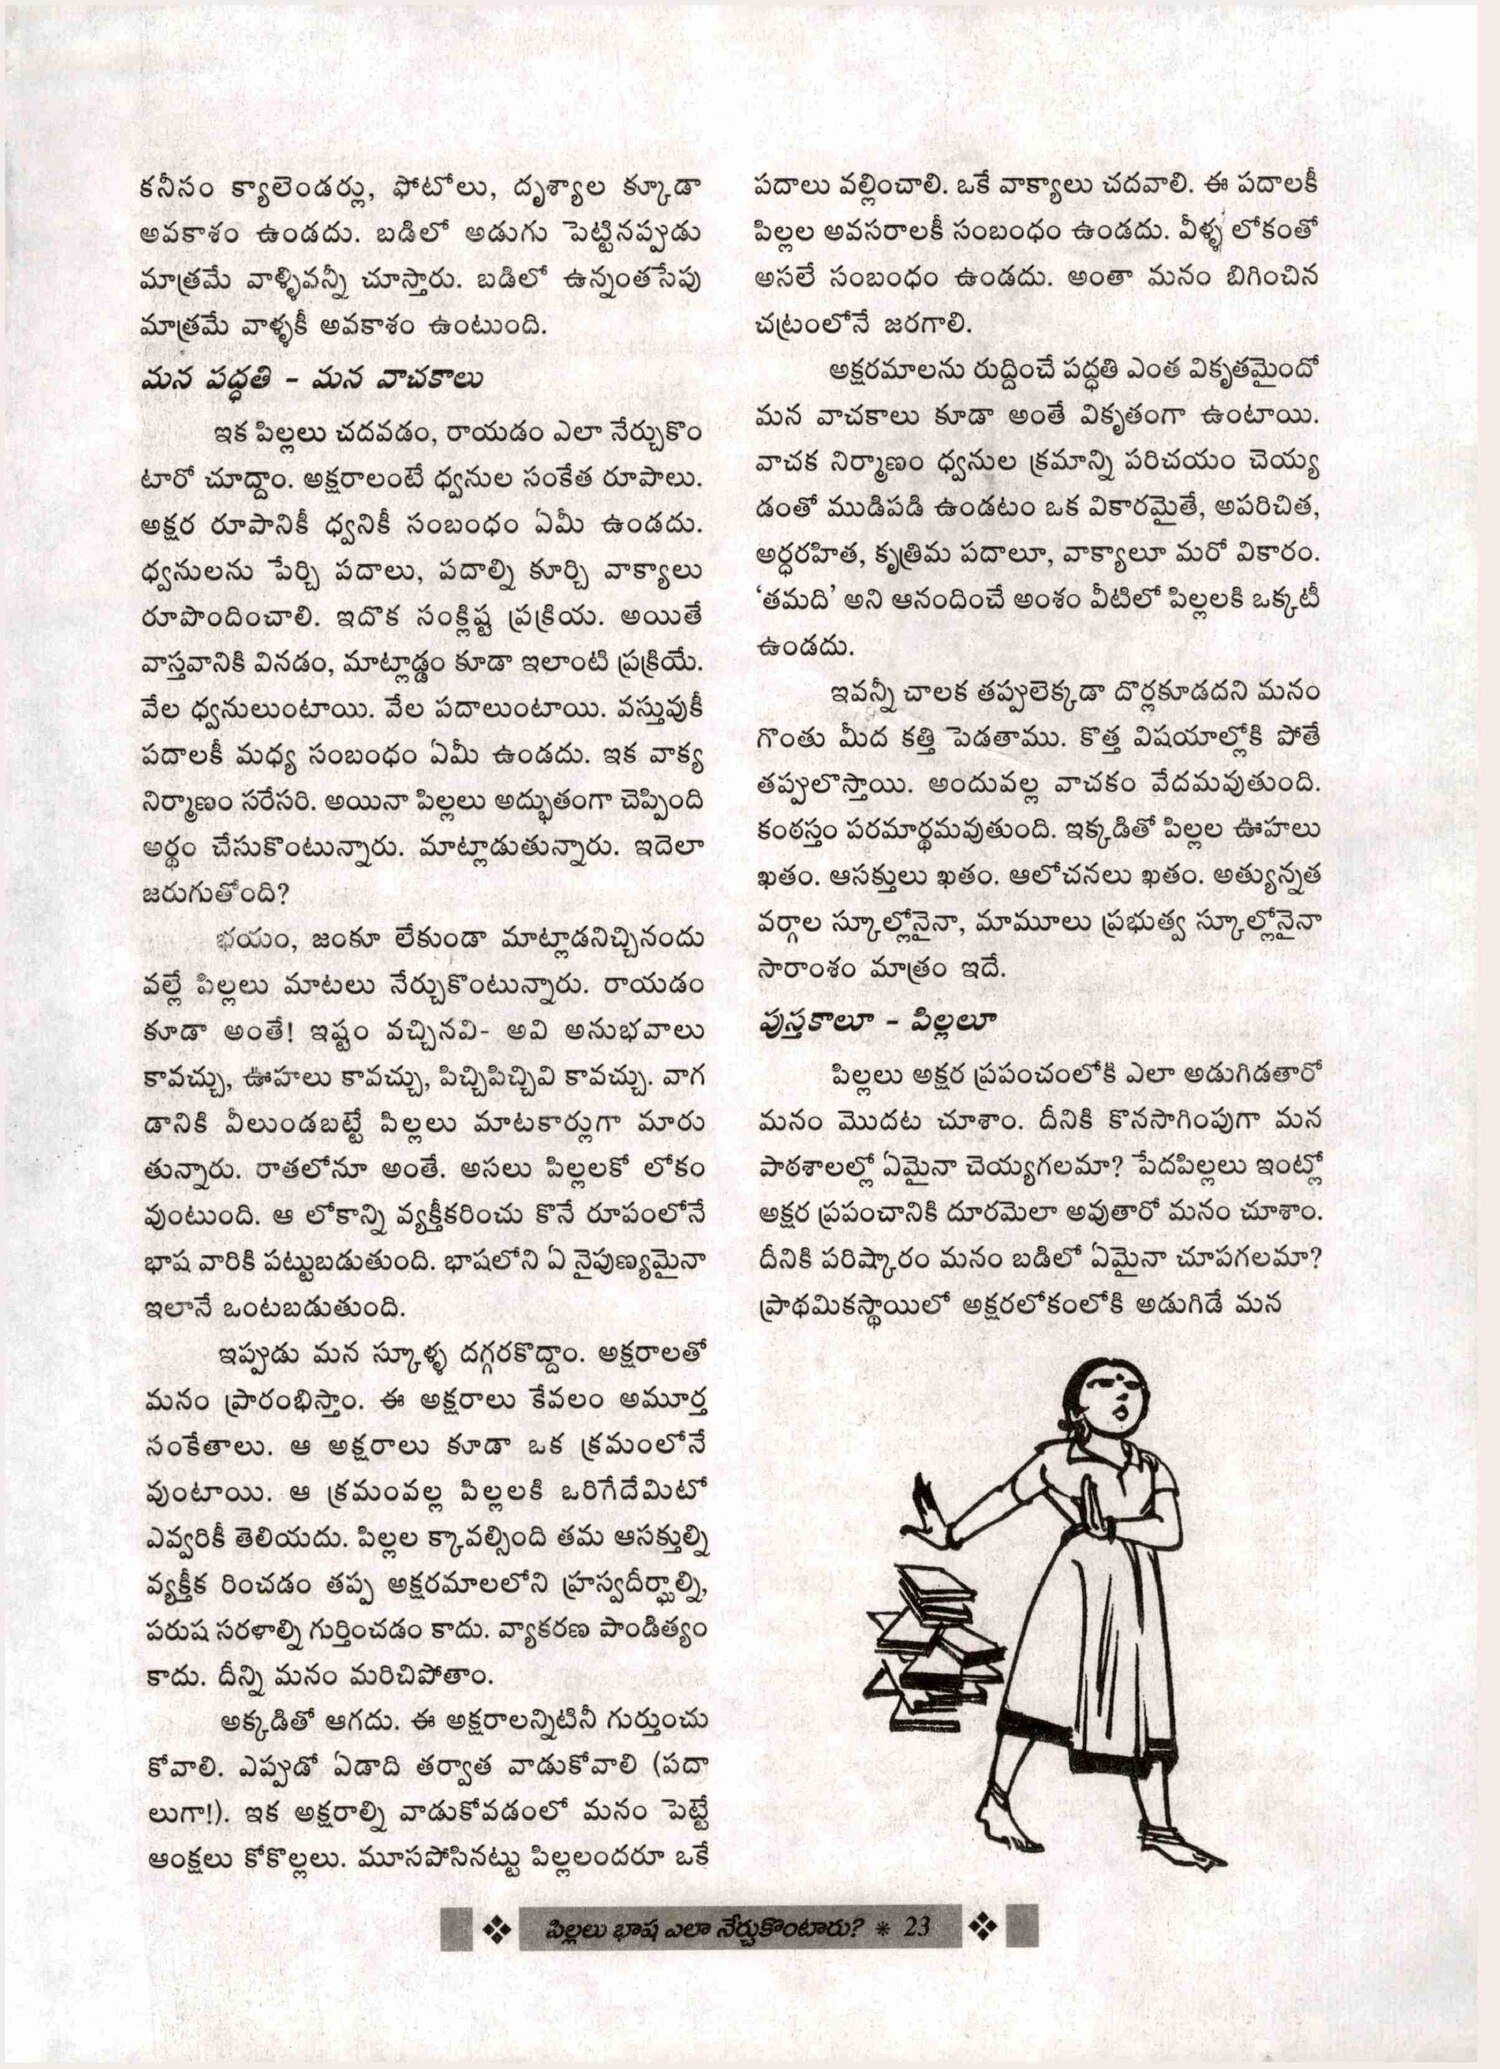కనీసం క్యాలెండర్లు, ఫోటోలు, దృశ్యాల క్కూడా అవకాశం ఉండదు. బడిలో అడుగు పెట్టినప్పుడు మాత్రమే వాళ్ళివన్నీ చూస్తారు. బడిలో ఉన్నంత సేపు మాత్రమే వాళ్ళకీ అవకాశం ఉంటుంది.

మన పద్ధతి - మన వాచకాలు

ఇక పిల్లలు చదవడం, రాయడం ఎలా నేర్చుకొంటారో చూద్దాం. అక్షరాలంటే ధ్వనుల సంకేత రూపాలు. అక్షర రూపానికీ ధ్వనికీ సంబంధం ఏమీ ఉండదు. ధ్వనులను పేర్చి పదాలు, పదాల్ని కూర్చి వాక్యాలు రూపొందించాలి. ఇదొక సంక్లిష్ట ప్రక్రియ. అయితే వాస్తవానికి వినడం, మాట్లాడ్డం కూడా ఇలాంటి ప్రక్రియే. వేల ధ్వనులుంటాయి. వేల పదాలుంటాయి. వస్తువుకీ పదాలకీ మధ్య సంబంధం ఏమీ ఉండదు. ఇక వాక్యనిర్మాణం సరేసరి. అయినా పిల్లలు అద్భుతంగా చెప్పింది అర్థం చేసుకొంటున్నారు. మాట్లాడుతున్నారు. ఇదెలా జరుగుతోంది?

భయం, జంకూ లేకుండా మాట్లాడనిచ్చినందువల్లే పిల్లలు మాటలు నేర్చుకొంటున్నారు. రాయడం కూడా అంతే! ఇష్టం వచ్చినవి - అవి అనుభవాలు కావచ్చు, ఊహలు కావచ్చు, పిచ్చిపిచ్చివి కావచ్చు. వాగడానికి వీలుండబట్టే పిల్లలు మాటకార్లుగా మారుతున్నారు. రాతలోనూ అంతే. అసలు పిల్లలకో లోకం వుంటుంది. ఆ లోకాన్ని వ్యక్తీకరించు కొనే రూపంలోనే భాష వారికి పట్టుబడుతుంది. భాషలోని ఏ నైపుణ్యమైనా ఇలానే ఒంటబడుతుంది.

ఇప్పుడు మన స్కూళ్ళ దగ్గరకొద్దాం. అక్షరాలతో మనం ప్రారంభిస్తాం. ఈ అక్షరాలు కేవలం అమూర్త సంకేతాలు. ఆ అక్షరాలు కూడా ఒక క్రమంలోనే వుంటాయి. ఆ క్రమంవల్ల పిల్లలకి ఒరిగేదేమిటో ఎవ్వరికీ తెలియదు. పిల్లల క్కావల్సింది తమ ఆసక్తుల్ని వ్యక్తీక రించడం తప్ప అక్షరమాలలోని హ్రస్వదీర్ఘాల్ని, పరుష సరళాల్ని గుర్తించడం కాదు. వ్యాకరణ పాండిత్యం కాదు. దీన్ని మనం మరిచిపోతాం.

అక్కడితో ఆగదు. ఈ అక్షరాలన్నిటినీ గుర్తుంచుకోవాలి. ఎప్పుడో ఏడాది తర్వాత వాడుకోవాలి (పదాలుగా!). ఇక అక్షరాల్ని వాడుకోవడంలో మనం పెట్టే ఆంక్షలు కోకొల్లలు. మూసపోసినట్టు పిల్లలందరూ ఒకే పదాలు వల్లించాలి. ఒకే వాక్యాలు చదవాలి. ఈ పదాలకీ పిల్లల అవసరాలకీ సంబంధం ఉండదు. వీళ్ళ లోకంతో అసలే సంబంధం ఉండదు. అంతా మనం బిగించిన చట్రంలోనే జరగాలి.

అక్షరమాలను రుద్దించే పద్ధతి ఎంత వికృతమైందో మన వాచకాలు కూడా అంతే వికృతంగా ఉంటాయి. వాచక నిర్మాణం ధ్వనుల క్రమాన్ని పరిచయం చెయ్యడంతో ముడిపడి ఉండటం ఒక వికారమైతే, అపరిచిత, అర్ధరహిత, కృత్రిమ పదాలూ, వాక్యాలూ మరో వికారం. ‘తమది' అని ఆనందించే అంశం వీటిలో పిల్లలకి ఒక్కటీ ఉండదు.

ఇవన్నీ చాలక తప్పులెక్కడా దొర్లకూడదని మనం గొంతు మీద కత్తి పెడతాము. కొత్త విషయాల్లోకి పోతే తప్పులొస్తాయి. అందువల్ల వాచకం వేదమవుతుంది. కంఠస్తం పరమార్థమవుతుంది. ఇక్కడితో పిల్లల ఊహలు
ఖతం. ఆసక్తులు ఖతం. ఆలోచనలు ఖతం. అత్యున్నత వర్గాల స్కూల్లోనైనా, మామూలు ప్రభుత్వ స్కూల్లోనైనా
సారాంశం మాత్రం ఇదే.

పుస్తకాలూ - పిల్లలూ

పిల్లలు అక్షర ప్రపంచంలోకి ఎలా అడుగిడతారో మనం మొదట చూశాం. దీనికి కొనసాగింపుగా మన పాఠశాలల్లో ఏమైనా చెయ్యగలమా? పేదపిల్లలు ఇంట్లో అక్షర ప్రపంచానికి దూరమెలా అవుతారో మనం చూశాం. దీనికి పరిష్కారం మనం బడిలో ఏమైనా చూపగలమా? ప్రాథమికస్థాయిలో అక్షరలోకంలోకి అడుగిడే మన